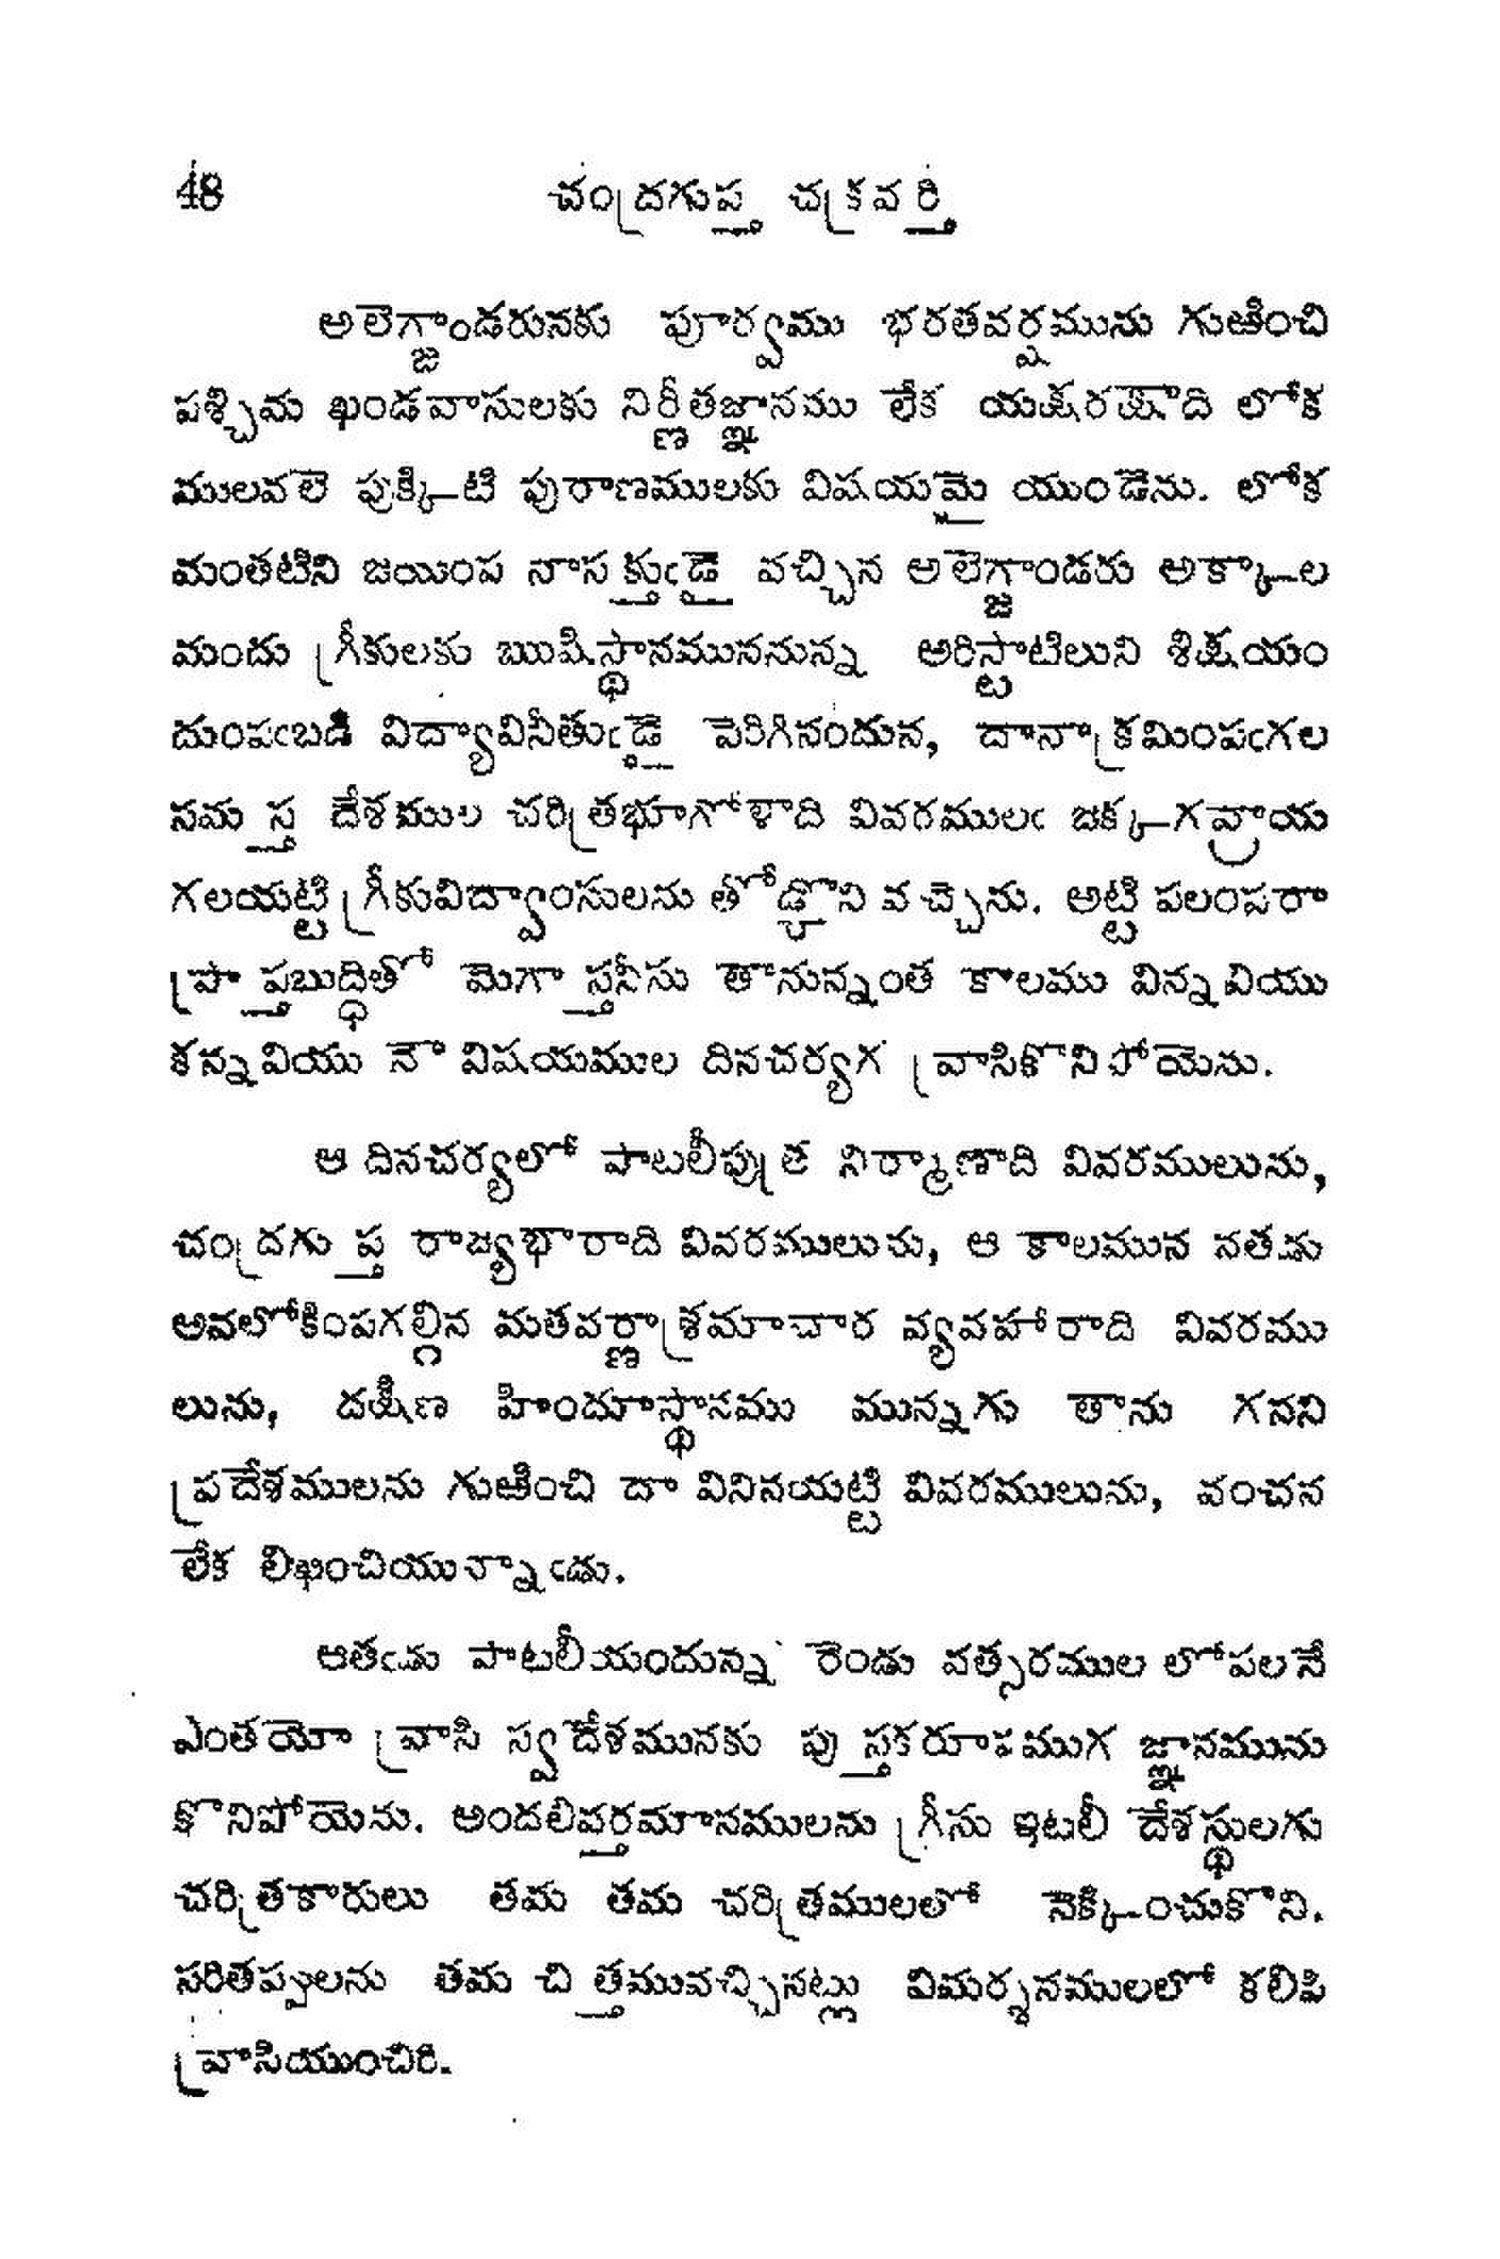అలెగ్జాండరునకు పూర్వము భరతవర్షమును గుఱించి పశ్చిమ ఖండవాసులకు నిర్ణీతజ్ఞానము లేక యక్షరక్షాది లోకములవలె పుక్కిటి పురాణములకు విషయమై యుండెను. లోక మంతటిని జయింప నాసక్తుఁడై వచ్చిన అలెగ్జాండరు అక్కాలమందు గ్రీకులకు ఋషిస్థానముననున్న అరిస్టాటిలుని శిక్షయం దుంపఁబడి విద్యావినీతుఁడై పెరిగినందున, దానాక్రమింపఁగల సమస్త దేశముల చరిత్రభూగోళాది వివరములఁ జక్కగవ్రాయ గలయట్టి గ్రీకువిద్వాంసులను తోడ్కొని వచ్చెను. అట్టి పలంపరా ప్రాప్తబుద్దితో మెగాస్తనీసు తానున్నంత కాలము విన్నవియు కన్నవియు నౌ విషయముల దినచర్యగ వ్రాసికొని పోయెను.

అ దినచర్యలో పాటలీపుత్ర నిర్మాణాది వివరములును, చంద్రగుప్త రాజ్యభారాది వివరములును, ఆ కాలమున నతడు అవలోకింపగల్గిన మతవర్ణాశ్రమాచార వ్యవహారాది వివరములును, దక్షిణ హిందూస్థానము మున్నగు తాను గనని ప్రదేశములను గుఱించి దా వినినయట్టి వివరములును, వంచన లేక లిఖించియున్నాడు. 

ఆతఁడు పాటలీయందున్న రెండు వత్సరముల లోపలనే ఎంతయో వ్రాసి స్వదేశమునకు పుస్తక రూపముగ జ్ఞానమును కొనిపోయెను, అందలివర్తమానములను గ్రీసు ఇటలీ దేశస్ధులగు చరిత్రకారులు తమ తమ చరిత్రములలో నెక్కించుకొని. సరితప్పులను తమ చిత్తమువచ్చినట్లు విమర్శనములలో కలిపి వ్రాసియుంచిరి.